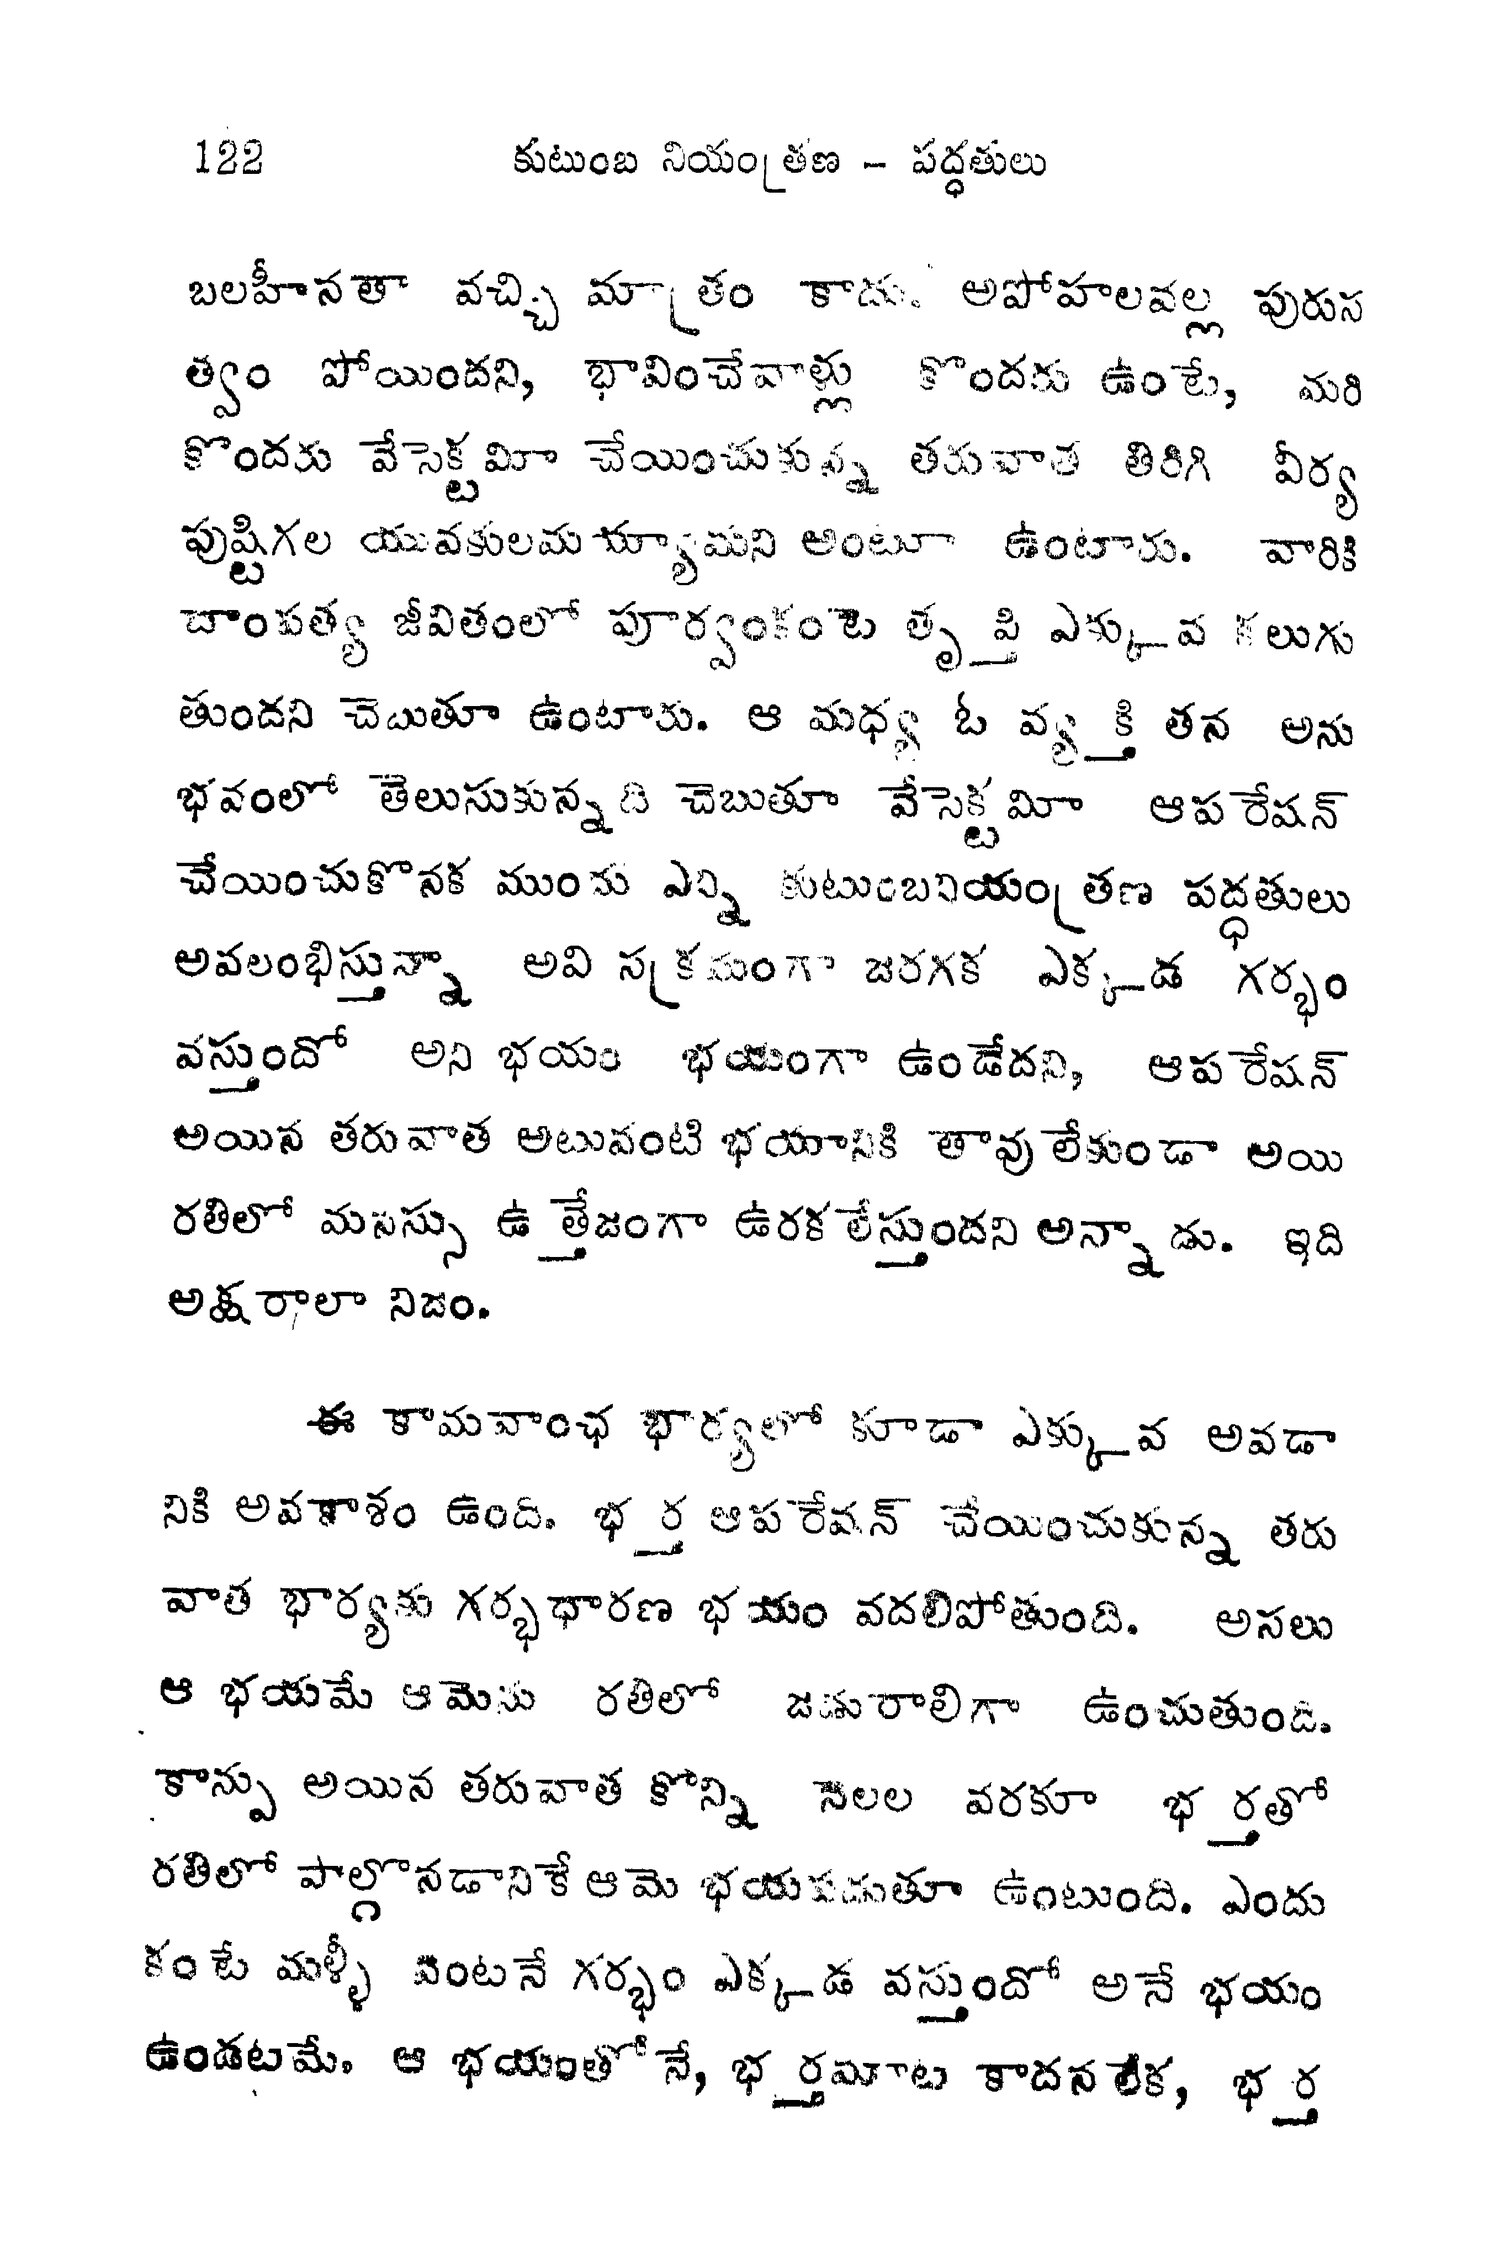బలహీనతా వచ్చి మాత్రం కాదు. ఆపోహలవల్ల పురుసత్వం పోయిందని, బావించేవాళ్లు కొందరు ఉంటే, మరి కొందరు వేసెక్టమీ చేయించుకున్న తరువాత తిరిగి వీర్య పుష్టిగల యువకులమయ్యామని అంటూ ఉంటారు. వారికి దాంపత్య జీవితంలో పూర్ఫంకంటే తృప్తి ఎక్కువ కలుగుతుందని చెబుతూ ఉంటారు. ఆ మధ్య ఓ వ్యక్తి తన అనుభవంలో తెలుసుకున్నది చెబుతూ వేసెక్టమీ ఆపరేషన్ చేయించుకొనక ముందు ఎన్ని కుటుంబనియంత్రణ పద్ధతులు అవలంబిస్తున్నా అవి సక్రమంగా జరగక ఎక్కడ గర్భం వస్తుందో అని భయం భయంగా ఉండేదని, ఆపరేషన్ అయిన తరువాత అటువంటి భయానికి తావులేకుండా అయి రతిలో మనస్సు ఉత్తేజంగా ఉరకలేస్తుందని అన్నాడు. ఇది అక్షరాలా నిజం.

ఈ కామవాంఛ భార్యలో కూడా ఎక్కువ అవడానికి అవకాశం ఉంది. భర్త ఆపరేషన్ చేయించుకున్న తరువాత భార్యకు గర్భధారణ భయం వదలిపోతుంది. అసలు ఆ భయమే ఆమెకు రతిలో జడురాలిగా ఉంచుతుంది. కాన్పు అయిన తరువాత కొన్ని నెలల వరకూ భర్తతో రతిలో పాల్గొనడానికే ఆమె భయపడుతూ ఉంటుంది. ఎందుకంటే మళ్ళీ వెంటనే గర్బం ఎక్కడ వస్తుందో అనే భయం ఉండటమే. ఆ భయంతోనే, బర్తమాట కాదనలేక, భర్త